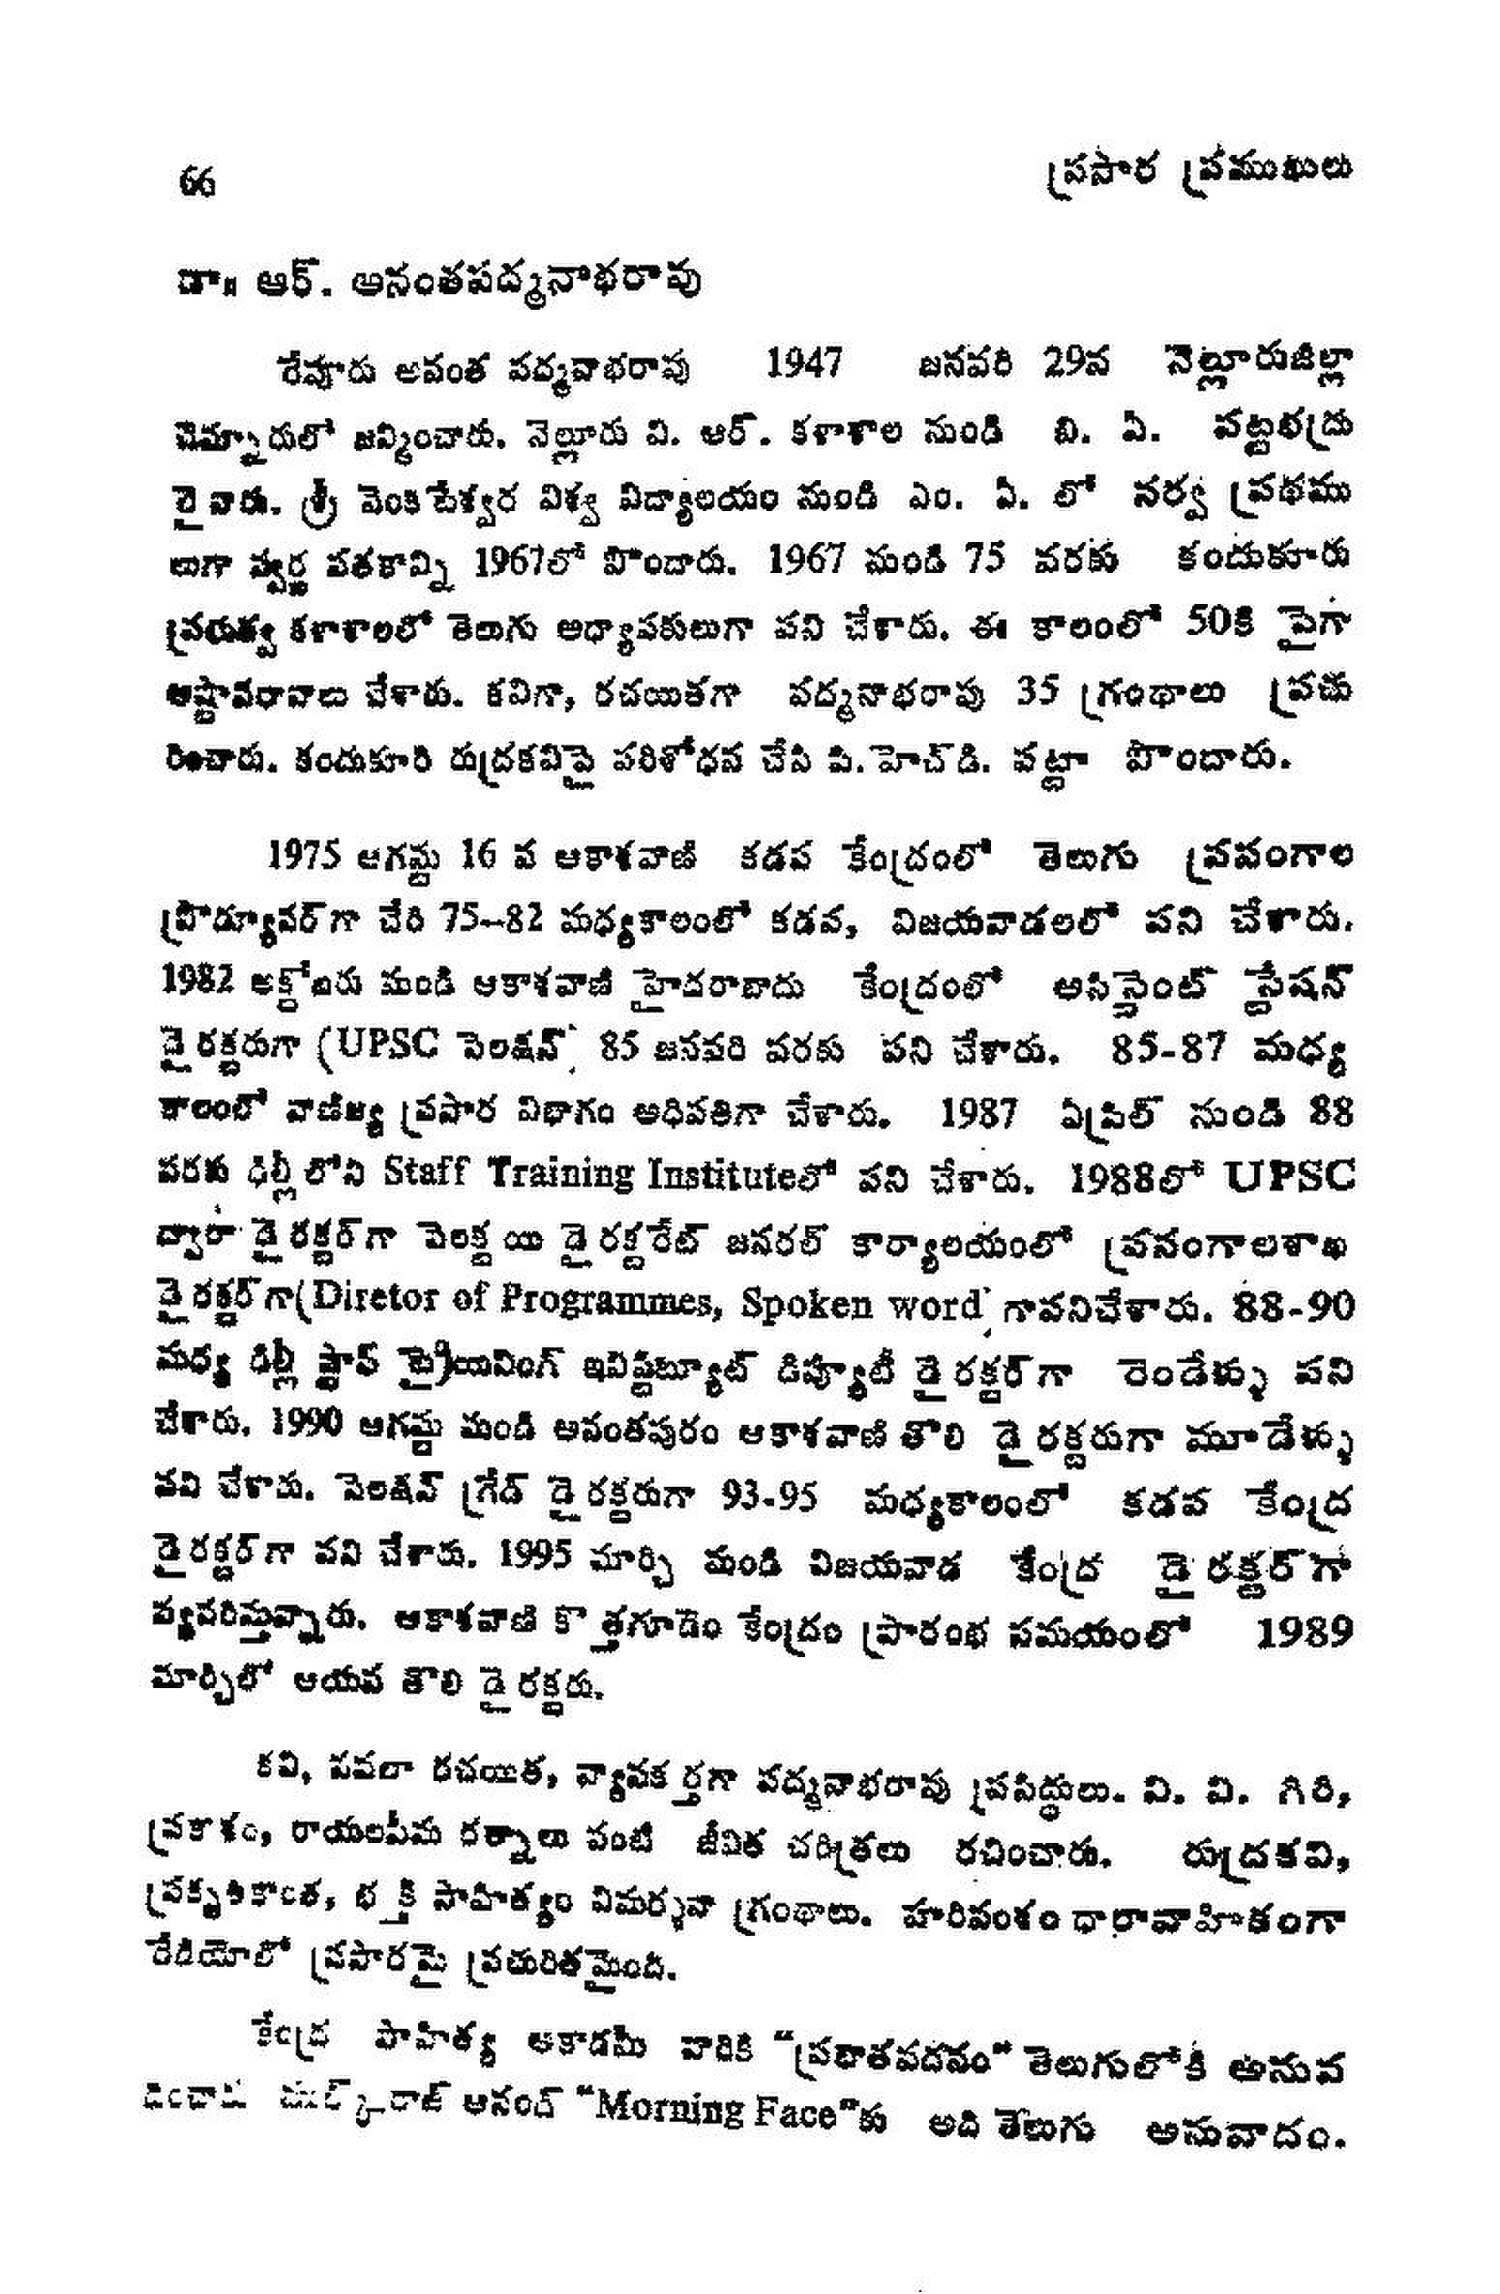రేవూరు అనంత పద్మనాభరావు 1947 జనవరి 29న నెల్లూరు జిల్లా చెన్నూరులో జన్మించారు. నెల్లూరు వి. ఆర్. కళాశాల నుండి బి. ఏ. పట్టభద్రులైనారు. శ్రీ వెంకటేశ్వర విశ్వవిద్యాలయం నుండి ఎం. ఏ. లో సర్వ ప్రథములుగా స్వర్ణ పతకాన్ని 1967లో పొందారు. 1967 నుండి 75 వరకు కందుకూరు ప్రభుత్వ కళాశాలలో తెలుగు అధ్యాపకులుగా పని చేశారు. ఆ కాలంలో 50కి పైగా అష్టావధానాలు చేశారు. కవిగా, రచయితగా పద్మనాభరావు 35 గ్రంథాలు ప్రచురించారు. కందుకూరి రుద్రకవిపై పరిశోధన చేసి పి. హెచ్.డి. పట్టా పొందారు.

1975 ఆగష్టు 16న ఆకాశవాణి కడప కేంద్రంలొ తెలుగు ప్రసారాల ప్రొడ్యూసర్ గా చేరి 75-82 మధ్యకాలంలో కడప, విజయవాడలలో పని చేశారు. 1982 అక్టోబరు నుండి ఆకాశవాణి హైదరాబాదు కేంద్రంలో అసిస్టెంట్ స్టేషన్ డైరక్టరుగా (UPSC సెలక్షన్) 85 జనవరి వరకు పని చేశారు. 85-87 మధ్య కాలంలో వాణిజ్య ప్రసార విభాగం అధిపతిగా చేశారు. 1987 ఏప్రిల్ నుండి 88 వరకు ఢిల్లీ లోని Staff Training Instititue లో పని చేశారు. 1988 లో UPSC ద్వారా డైరక్టర్ గా సెలక్టయి డైరక్టరేట్ జనరల్ కార్యాలయంలో ప్రసంగాల శాఖ డైరక్టర్ గా (Director of Programmes, Spoken word) గా పనిచేశారు. 88-90 మధ్య ఢిల్లీ స్టాఫ్ ట్రైయినింగ్ ఇనిస్టిట్యూట్ డిప్యూటీ డైరక్టర్ గా రెండేళ్ళు పనిచేశారు. 1990 ఆగష్టు నుండి అనంతపురం ఆకాశవాణి తొలి డైరక్టరుగా మూడేళ్లు పనిచేశారు. సెలక్షన్ గ్రేడ్ డైరక్టరుగా 93-95 మధ్యకాలంలో కడప కేంద్ర డైరక్టర్ గా పనిచేశారు. 1995 మార్చి నుండి విజయవాడ కేంద్ర డైరక్టర్ గా వ్యవహరిస్తున్నారు. ఆకాశవాణి కొత్తగూడెం కేంద్రం ప్రారంభ సమయంలో 1989 మార్చిలో ఆయన తొలి డైరక్టరు.

కవి, నవలా రచయిత, వ్యాసకర్తగా పద్మనాభరావు ప్రసిద్ధులు. వి. వి. గిరి, ప్రకాశం రాయలసీమ రత్నాలు వంటి జీవిత చరిత్రలు రచించారు. రుద్రకవి, ప్రకృతికాంత, భక్తి సాహిత్యం విమర్శనా గ్రంథాలు. హరివంశం ధారావాహికంగా రేడియోలో ప్రసారమై ప్రచురితమైంది.

కేంద్ర సాహిత్య అకాడమీ వారికి "ప్రభాతవదనం" తెలుగులోకి అనువదించారు. ముల్క్‌రాజ్ ఆనంద్ "Morning Face" కు అది తెలుగు అనువాదం.